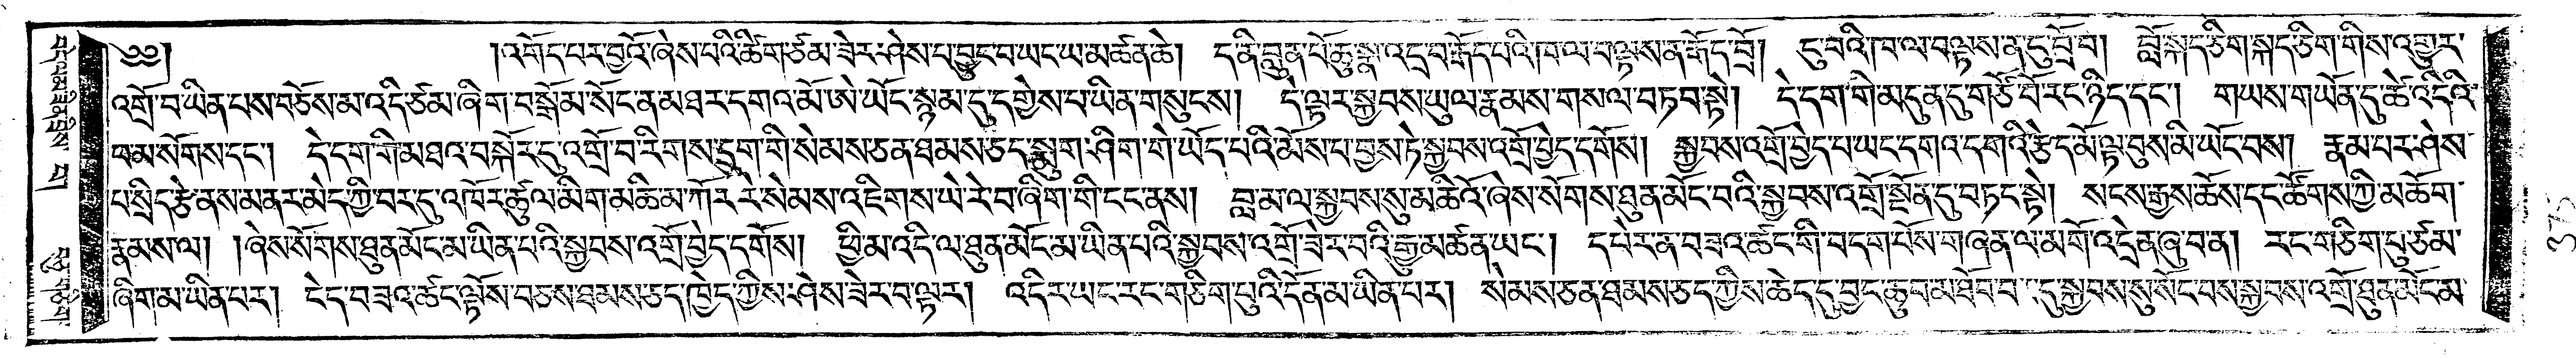༄༅། །འགོང་བར་བྱའོ་ཞེས་པའི་ཚིག་ཙམ་ཟེར་ཤེས་པ་བྱུང་བ་ཡང་ཡ་མཚན་ཆེ། ད་ནི་བླུན་པོ་ཆུ་སྣ་འདྲ་བ་རྒོད་བའི་ཁ་ལ་བལྟས་ན་རྒོད་བྲོ། དུ་བའི་ཁ་ལ་བལྟས་ན་དུ་བློ?་བ། བློ་སྐད་ཅིག་སྐད་ཅིག་གིས་འགྱུར་
འགྲོ་བ་ཡིན་བས་བཅོས་མ་འདི་ཙམ་ཞིག་བསྒོམ་སོང་ན་མཐར་དགའ་མོ་ཨེ་ཡོང་སྙམ་དུ་དགྱེས་པ་ཡིན་གསུངས། དེ་ལྟར་སྐྱབས་ཡུལ་རྣམས་གསལ་བཏབ་སྟེ། དེ་དག་གི་མདུན་དུ་གཙོ་བོ་རང་ཉིད་དང་། གཡས་གཡོན་དུ་ཚེ་འདིའི་
ཕ་མ་སོགས་དང་། དེ་དག་གི་མཐའ་བསྐོར་དུ་འགྲོ་བ་རིགས་དྲུག་གི་སེམས་ཅན་ཐམས་ཅད་སྨུག་ཤིག་གེ་ཡོད་པའི་མོས་པ་བྱས་ཏེ་སྐྱབས་འགྲོ་བྱེད་དགོས། སྐྱབས་འགྲོ་བྱེད་པ་ཡང་དགའ་དགའི་རྩེད་མོ་ལྟ་བུས་མི་ཡོང་པས། རྣམ་པར་ཤེས་
པ་སྲིད་རྩེ་ནས་མནར་མེད་ཀྱི་བར་དུ་འཁོར་ཚུལ་མིག་མཆི་མ་ཀོར་རེ་སེམས་འཇིགས་ཡེ་རེ་བ་ཞིག་གི་ངང་ནས། བླ་མ་ལ་སྐྱབས་སུ་མཆིའོ་ཞེས་སོགས་ཐུན་མོང་བའི་སྐྱབས་འགྲོ་སྔོན་དུ་བཏང་སྟེ། སངས་རྒྱས་ཆོས་དང་ཚོགས་ཀྱི་མཆོག་
རྣམས་ལ། །ཞེས་སོགས་ཐུན་མོང་མ་ཡིན་པའི་སྐྱབས་འགྲོ་བྱེད་དགོས། ཕྱི་མ་འདི་ལ་ཐུན་མོང་མ་ཡིན་པའི་སྐྱབས་འགྲོ་ཟེར་བའི་རྒྱུ་མཚན་ཡང་། དཔེར་ན་བཟའ་ཚང་གི་བདག་པོས་གཞན་ལ་མགོ་འདྲེན་ཞུ་བ་ན། རང་གཅིག་པུ་ཙམ་
ཞིག་མ་ཡིན་པར། ངེད་བཟའ་ཚང་ལྟོས་བཅས་ཐམས་ཅད་ཁྱེད་ཀྱིས་ཤེས་ཟེར་བ་ལྟར། འདིར་ཡང་རང་གཅིག་པུའི་དོན་མ་ཡིན་པར། སེམས་ཅན་ཐམས་ཅད་ཀྱིས་ཆེད་དུ་བྱང་ཆུབ་མ་ཐོབ་བར་དུ་སྐྱབས་སུ་སོང་བས་སྐྱབས་འགྲོ་ཐུན་མོང་མ་